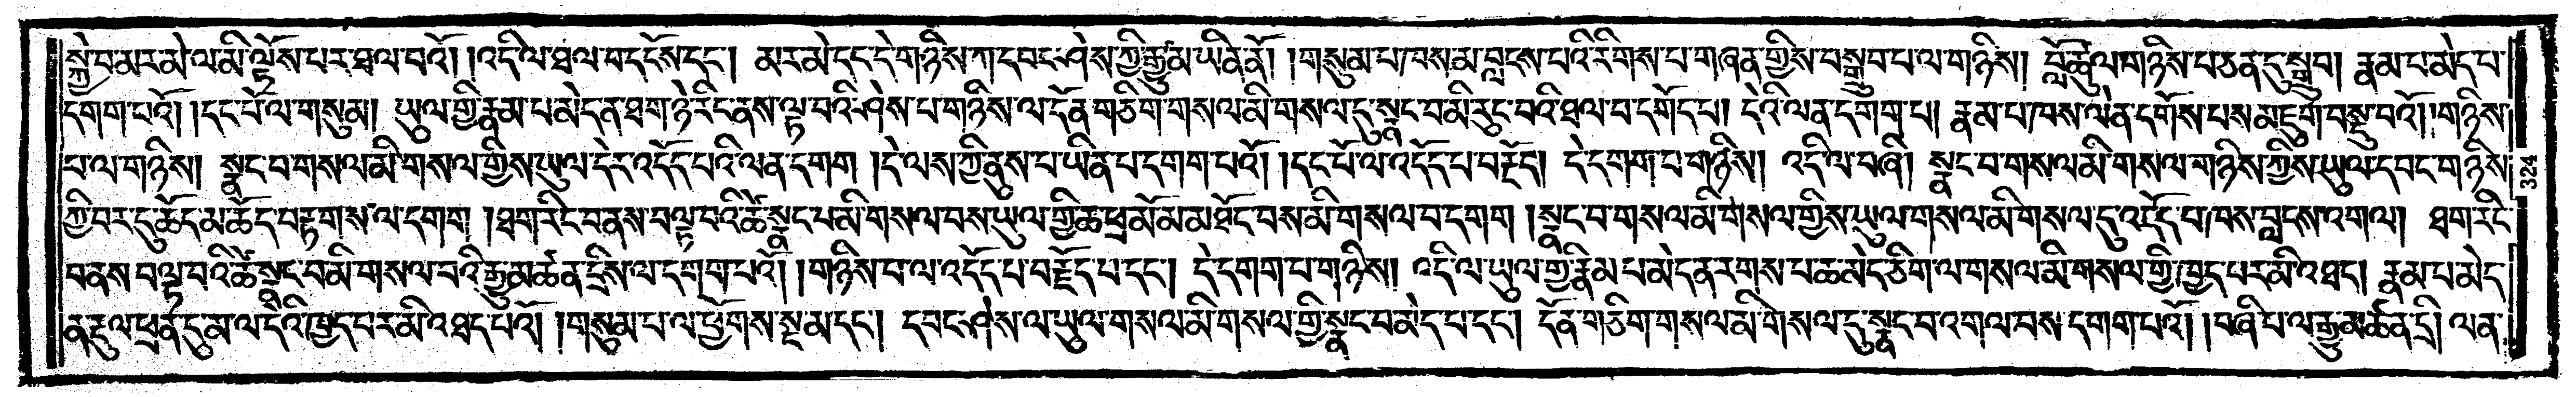སྐྱེ་བ་མར་མེ་ལ་མི་ལྟོས་པར་ཐལ་བའོ། །འདི་ལ་ཐལ་བ་དངོས་དང་། མར་མེ་དང་དེ་གཉིས་ཀ་དབང་ཤེས་ཀྱི་རྒྱུ་མ་ཡིན་ནོ། །གསུམ་པ་ཁས་མ་བླངས་པའི་རིགས་པ་གཞན་གྱིས་བསྒྲུབ་པ་ལ་གཉིས། བློ་ཚུལ་གཉིས་པ་ཅན་དུ་སྒྲུབ། རྣམ་པ་མེད་པ་
དགག་པའོ། །དང་པོ་ལ་གསུམ། ཡུལ་གྱི་རྣམ་པ་མེད་ན་ཐག་ཉེ་རིང་ནས་ལྟ་བའི་ཤེས་པ་གཉིས་ལ་དོན་གཅིག་གསལ་མི་གསལ་དུ་སྣང་བ་མི་རུང་བའི་ཐལ་བ་དགོད་པ། དེའི་ལན་དགག་པ། རྣམ་པ་ཁས་ལེན་དགོས་པས་མཇུག་བསྡུ་བའོ། །གཉིས་
པ་ལ་གཉིས། སྣང་བ་གསལ་མི་གསལ་གྱིས་ཡུལ་དེར་འདོད་པའི་ལན་དགག །དེ་ལས་ཀྱི་ནུས་པ་ཡིན་པ་དགག་པའོ། །དང་པོ་ལ་འདོད་པ་བརྗོད། དེ་དགག་པ་གཉིས། འདི་ལ་བཞི། སྣང་བ་གསལ་མི་གསལ་གཉིས་ཀྱིས་ཡུལ་དབང་གཉིས་
ཀྱི་བར་དུ་ཆོད་མ་ཆོད་བརྟགས་ལ་དགག །ཐག་རིང་བ་ནས་བལྟ་བའི་ཚེ་སྣང་བ་མི་གསལ་བས་ཡུལ་གྱི་ཆ་ཕྲ་མོ་མ་མཐོང་བས་མི་གསལ་བ་དགག །སྣང་བ་གསལ་མི་གསལ་གྱིས་ཡུལ་གསལ་མི་གསལ་དུ་འདོད་པ་ཁས་བླངས་འགལ། ཐག་རིང་
བ་ནས་བལྟ་བའི་ཚེ་སྣང་བ་མི་གསལ་བའི་རྒྱུ་མཚན་དྲིས་ལ་དགག་པའོ། །གཉིས་པ་ལ་འདོད་པ་བརྗོད་པ་དང་། དེ་དགག་པ་གཉིས། འདི་ལ་ཡུལ་གྱི་རྣམ་པ་མེད་ན་རགས་པ་ཆ་མེད་ཅིག་ལ་གསལ་མི་གསལ་གྱི་ཁྱད་པར་མི་འཐད། རྣམ་པ་མེད་
ན་རྡུལ་ཕྲན་དུ་མ་ལ་དེའི་ཁྱད་པར་མི་འཐད་པའོ། །གསུམ་པ་ལ་ཕྱོགས་སྔ་མ་དང་། དབང་ཤེས་ལ་ཡུལ་གསལ་མི་གསལ་གྱི་སྣང་བ་མེད་པ་དང་། དོན་གཅིག་གསལ་མི་གསལ་དུ་སྣང་བ་འགལ་བས་དགག་པའོ། །བཞི་པ་ལ་རྒྱུ་མཚན་དྲི། ལན་